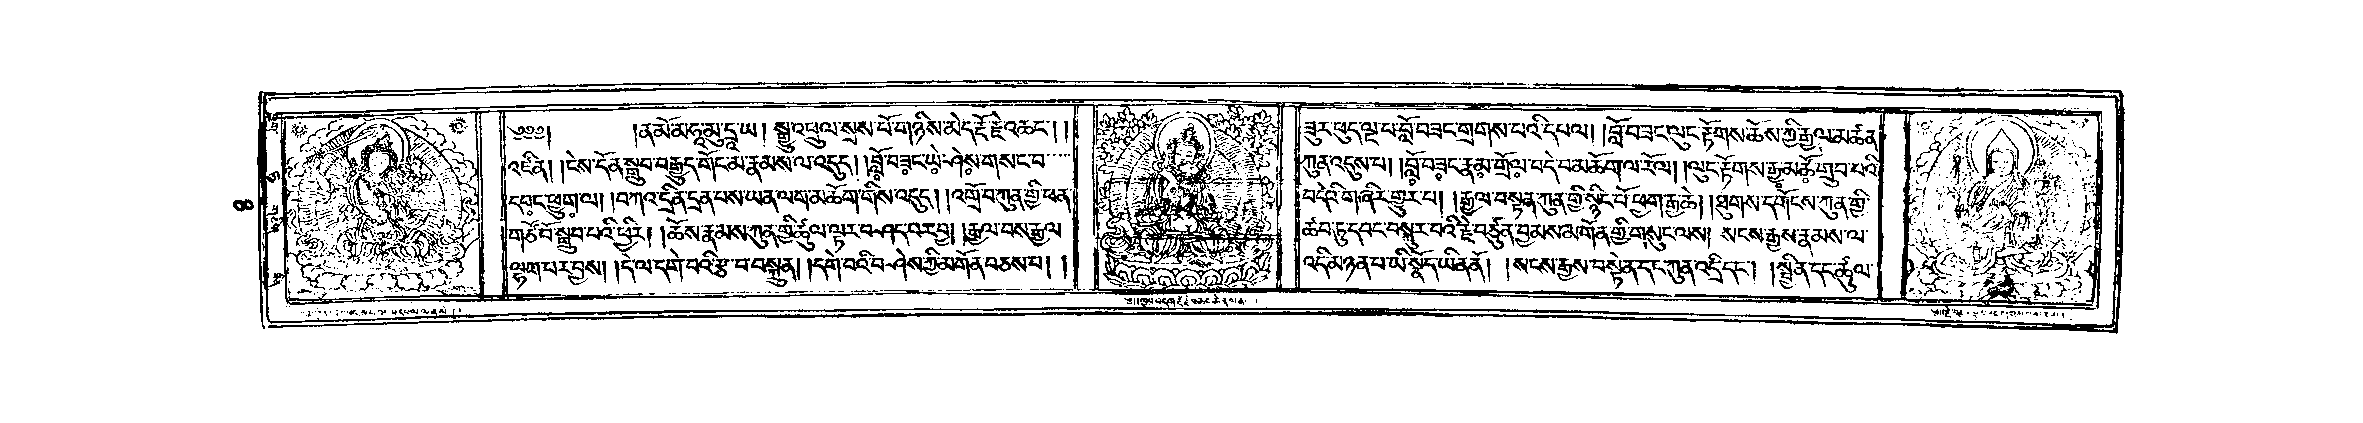༄༅༅། །ན་མོ་མཧཱ་མུ་དྲཱ་ཡ། སྒྱུ་འཕྲུལ་སྲས་པོ་གཉིས་མེད་རྡོ་རྗེ་འཆང་། །ཟུར་ཕུད་ལྔ་པ་བློ་བཟང་གྲགས་པའི་དཔལ། །བློ་བཟང་ལུང་རྟོགས་ཆོས་ཀྱི་རྒྱལ་མཚན་
འཛིན། །ངེས་དོན་སྒྲུབ་བརྒྱུད་གོང་མ་རྣམས་ལ་འདུད། །བློ་བཟང་ཡེ་ཤེས་གསང་བ་ཀུན་འདུས་པ། །བློ་བཟང་རྣམ་གྲོལ་བདེ་བ་མཆོག་ལ་རོལ། །ལུང་རྟོགས་རྒྱ་མཚོ་གྲུབ་པའི་
དབང་ཕྱུག་ལ། །བཀའ་དྲིན་དྲན་པས་ཡན་ལག་མཆོག་གིས་འདུད། །འགྲོ་བ་ཀུན་གྱི་ཕན་བདེའི་གཞིར་གྱུར་པ། །རྒྱལ་བསྟན་ཀུན་གྱི་སྙིང་པོ་ཕྱག་རྒྱ་ཆེ། །ཐུགས་དགོངས་ཀུན་གྱི་
གཙོ་བོ་སྒྲུབ་པའི་ཕྱིར། །ཆོས་རྣམས་ཀུན་གྱི་ཚུལ་ལྟར་བཤད་པར་བྱ། །རྒྱལ་བས་རྒྱལ་ཚབ་ཏུ་དབང་བསྐུར་བའི་རྗེ་བཙུན་བྱམས་མགོན་གྱི་གསུང་ལས། སངས་རྒྱས་རྣམས་ལ་
ལྷག་པར་བྱས། །དེ་ལ་དགེ་བའི་རྩ་བ་བསྐྲུན། །དགེ་བའི་བཤེས་ཀྱི་མགོན་བཅས་པ། །འདི་མཉན་པ་ཡི་སྣོད་ཡིན་ནོ། །སངས་རྒྱས་བསྟེན་དང་ཀུན་འདྲི་དང་། །སྦྱིན་དང་ཚུལ་